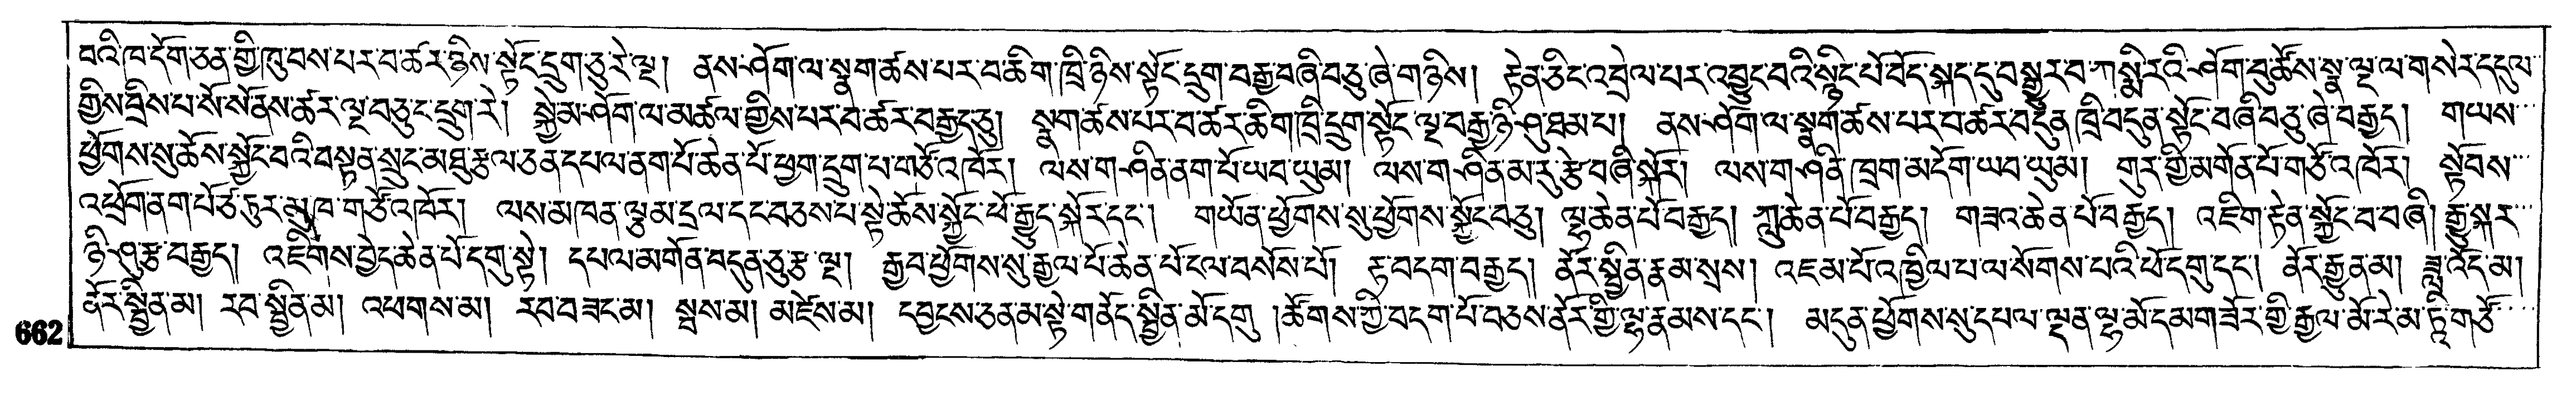བའི་ཁ་དོག་ཅན་གྱི་ཁུ་བས་པར་བ་ཚར་ཉིས་སྟོང་དྲུག་ཅུ་རེ་ལྔ། ནས་ཤོག་ལ་སྣག་ཚས་པར་བ་ཆིག་ཁྲི་ཉིས་སྟོང་དྲུག་བརྒྱ་བཞི་བཅུ་ཞེ་གཉིས། རྟེན་ཅིང་འབྲེལ་པར་འབྱུང་བའི་སྙིང་པོ་བོད་སྐད་དུ་བསྒྱུར་བ་ཀསྨི་རའི་ཤོག་བུ་ཚོས་སྣ་ལྔ་ལ་གསེར་དངུལ་
གྱིས་བྲིས་པ་སོ་སོ་ནས་ཚར་ལྔ་བཅུ་ང་དྲུག་རེ། སྐྱེ་མ་ཤོག་ལ་མཚལ་གྱིས་པར་བ་ཚར་བརྒྱད་ཅུ། སྣག་ཚས་པར་པ་ཚར་ཆིག་ཁྲི་དྲུག་སྟོང་ལྔ་བརྒྱ་ཉི་ཤུ་ཐམ་པ། ནས་ཤོག་ལ་སྣག་ཚས་པར་པ་ཚར་བདུན་ཁྲི་བདུན་སྟོང་བཞི་བཅུ་ཞེ་བརྒྱད། གཡས་
ཕྱོགས་སུ་ཆོས་སྐྱོང་བའི་བསྟན་སྲུང་མཐུ་རྩལ་ཅན་དཔལ་ནག་པོ་ཆེན་པོ་ཕྱག་དྲུག་པ་གཙོ་འཁོར། ལས་གཤིན་ནག་པོ་ཡབ་ཡུམ། ལས་གཤིན་མ་རུ་རྩེ་བཞི་སྐོར། ལས་གཤིན་ཁྲག་མདོག་ཡབ་ཡུམ། གུར་གྱི་མགོན་པོ་གཙོ་འཁོར། སྟོབས་
འཕྲོག་ནག་པོ་ཙ་ཏུར་མུ་ཁ་གཙོ་འཁོར། ལས་མཁན་ལྕམ་དྲལ་དང་བཅས་པ་སྟེ་ཆོས་སྐྱོང་ཕོ་རྒྱུད་སྐོར་དང་། གཡོན་ཕྱོགས་སུ་ཕྱོགས་སྐྱོང་བཅུ། ལྷ་ཆེན་པོ་བརྒྱད། ཀླུ་ཆེན་པོ་བརྒྱད། གཟའ་ཆེན་པོ་བརྒྱད། འཇིག་རྟེན་སྐྱོང་བ་བཞི། རྒྱུ་སྐར་
ཉི་ཤུ་རྩ་བརྒྱད། འཇིགས་བྱེད་ཆེན་པོ་དགུ་སྟེ། དཔལ་མགོན་བདུན་ཅུ་རྩ་ལྔ། རྒྱབ་ཕྱོགས་སུ་རྒྱལ་པོ་ཆེན་པོ་ངལ་བསོས་པོ། རྟ་བདག་བརྒྱད། ནོར་སྦྱིན་རྣམ་སྲས། འཇམ་པོ་འཁྱིལ་པ་ལ་སོགས་པའི་ཕོ་དག་དང་། ནོར་རྒྱུན་མ། ཟླ་འོད་མ།
ནོར་སྦྱིན་མ། རབ་སྦྱིན་མ། འཕགས་མ། རབ་བཟང་མ། སྦས་མ། མཛེས་མ། དབྱངས་ཅན་མ་སྟེ་གནོད་སྦྱིན་མོ་དགུ །ཚོགས་ཀྱི་བདག་པོ་བཅས་ནོར་གྱི་ལྷ་རྣམས་དང་། མདུན་ཕྱོགས་སུ་དཔལ་ལྡན་ལྷ་མོ་དམག་ཟོར་གྱི་རྒྱལ་མོ་རེ་མ་ཏཱི་གཙོ་